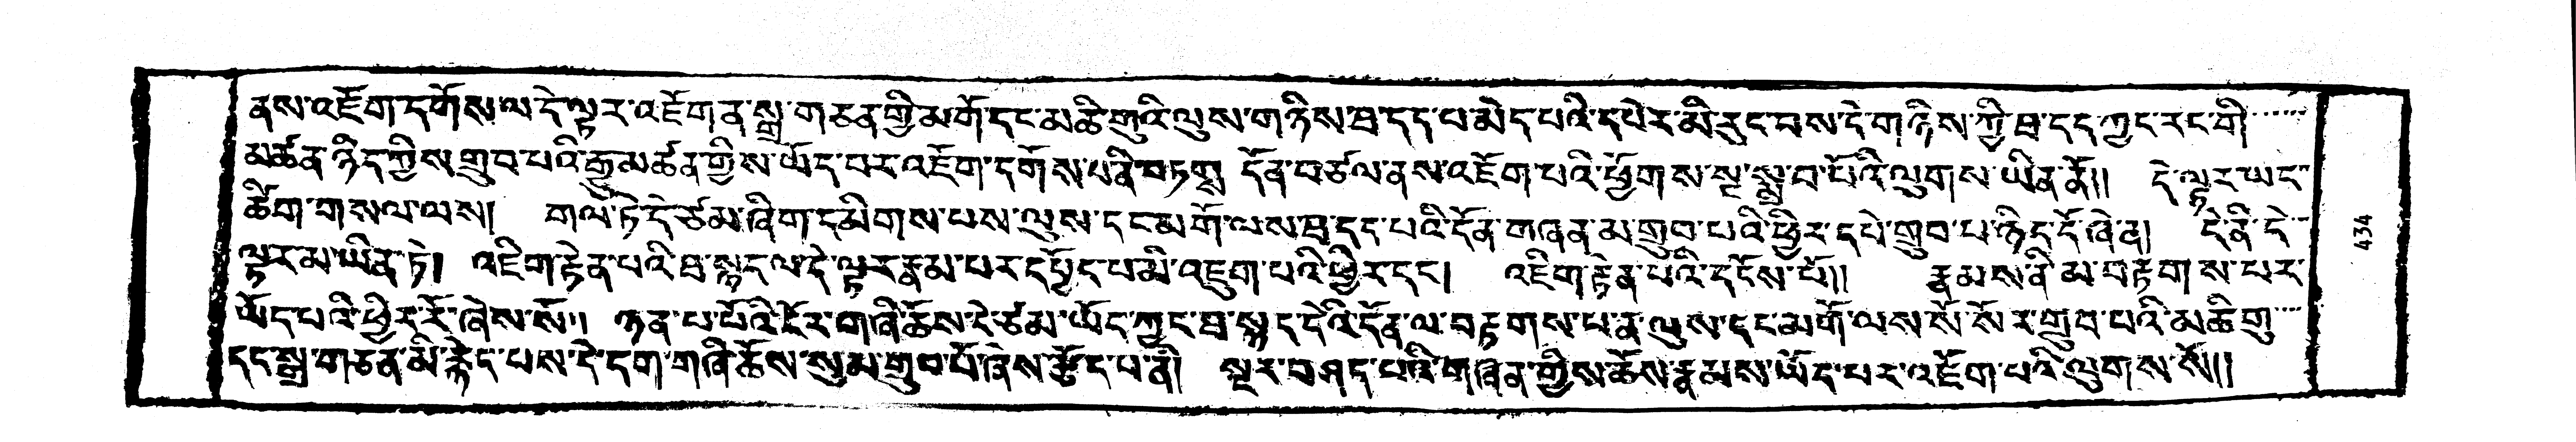ནས་འཇོག་དགོས་ལ་དེ་ལྟར་འཇོག་ན་སྒྲ་གཅན་གྱི་མགོ་དང་མཆི་གུའི་ལུས་གཉིས་ཐ་དད་པ་མེད་པའི་དཔེར་མི་རུང་བས་དེ་གཉིས་ཀྱི་ཐ་དད་ཀྱང་རང་གི་
མཚན་ཉིད་ཀྱིས་གྲུབ་པའི་རྒྱུ་མཚན་གྱིས་ཡོད་པར་འཇོག་དགོས་པ་ནི་བཏགས་དོན་བཙལ་ནས་འཇོག་པའི་ཕྱོགས་སྔ་སྨྲ་བ་པོའི་ལུགས་ཡིན་ནོ། །དེ་ལྟར་ཡང་
ཚིག་གསལ་ལས། གལ་ཏེ་དེ་ཙམ་ཞིག་དམིགས་པས་ལུས་དང་མགོ་ལས་ཐ་དད་པའི་དོན་གཞན་མ་གྲུབ་པའི་ཕྱིར་དཔེ་གྲུབ་པ་ཉིད་དོ་ཞེ་ན། དེ་ནི་དེ་
ལྟར་མ་ཡིན་ཏེ། འཇིག་རྟེན་པའི་ཐ་སྙད་ལ་དེ་ལྟར་རྣམ་པར་དཔྱོད་པ་མི་འཇུག་པའི་ཕྱིར་དང་། འཇིག་རྟེན་པའི་དངོས་པོ། །རྣམས་ནི་མ་བརྟགས་པར་
ཡོད་པའི་ཕྱིར་རོ་ཞེས་སོ། ཉན་པ་པོའི་ངོར་གཞི་ཆོས་དེ་ཙམ་ཡོད་ཀྱང་ཐ་སྙད་དེའི་དོན་ལ་བརྟགས་པ་ན་ལུས་དང་མགོ་ལས་སོ་སོར་གྲུབ་པའི་མཆི་གུ་
དང་སྒྲ་གཅན་མི་རྙེད་པས་དེ་དག་གཞི་ཆོས་སུམ་གྲུབ་པོ་ཞེས་རྩོད་པ་ནི། སྔར་བཤད་པའི་གཞན་གྱིས་ཆོས་རྣམས་ཡོད་པར་འཇོག་པའི་ལུགས་སོ། །